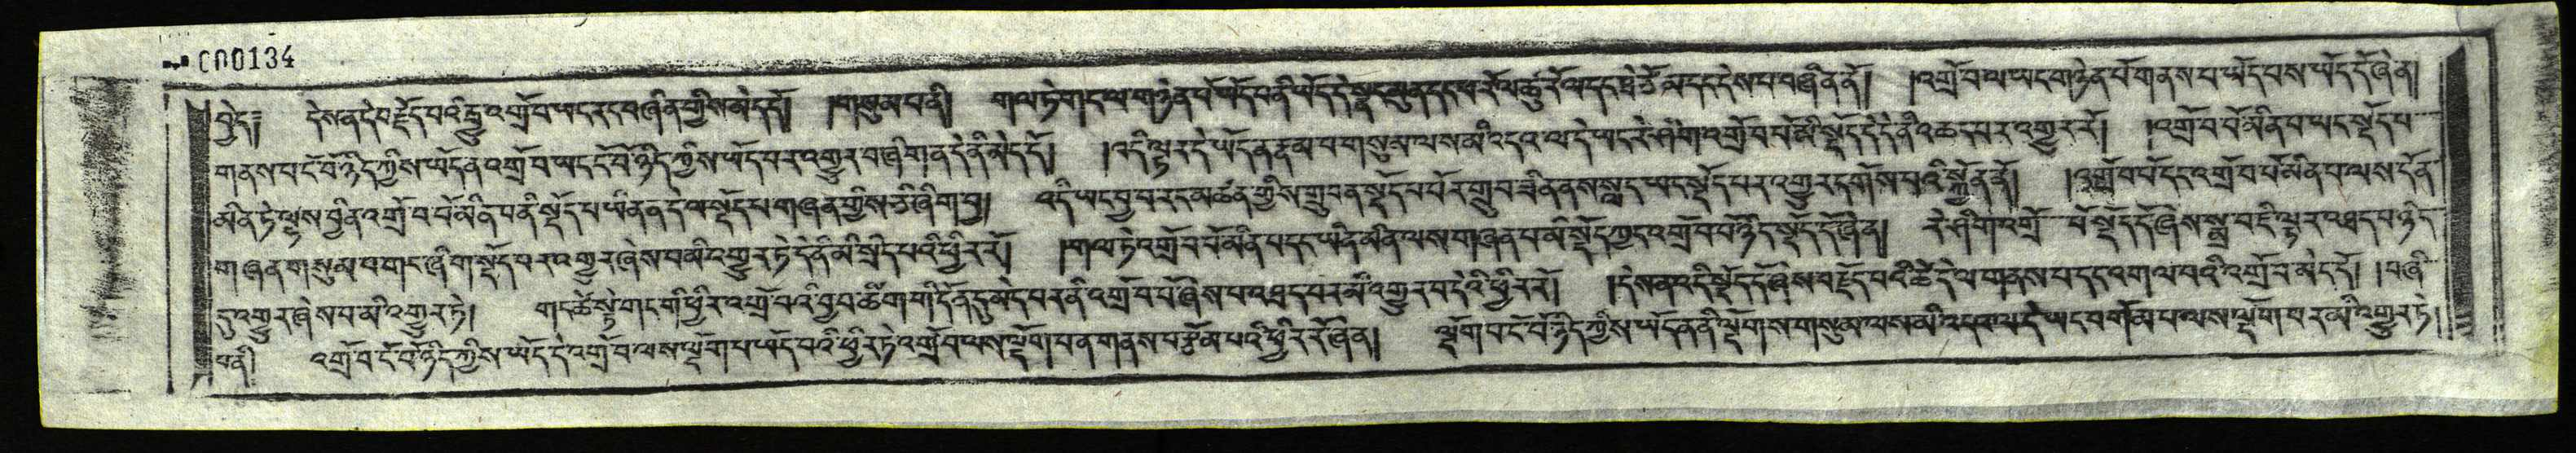བྱེད༑ དེས་ན་དེ་བརྗོད་པའི་རྒྱུ་འགྲོ་བ་ཡང་རང་བཞིན་གྱིས་མེད་དོ། །གསུམ་པ་ནི། གལ་ཏེ་གང་ལ་གཉེན་པོ་ཡོད་པ་ནི་ཡོད་དེ་སྣང་མུན་དང་ཕ་རོལ་ཚུ་རོལ་དང་ཐེ་ཙོམ་དང་དེས་པ་བཞིན་ནོ། །འགྲོ་བ་ལ་ཡང་གཉེན་པོ་གནས་པ་ཡོད་པས་ཡོད་དོ་ཞེ་ན།
གནས་པ་ངོ་བོ་ཉིད་ཀྱིས་ཡོད་ན་འགྲོ་བ་ཡང་ངོ་བོ་ཉིད་ཀྱིས་ཡོད་པར་འགྱུར་བ་ཞིག་ན་དེ་ནི་མེད་དོ། །འདི་ལྟར་དེ་ཡོད་ན་རྣམ་པ་གསུམ་ལས་མི་འདའ་ལ་དེ་ཡང་རེ་ཤིག་འགྲོ་བ་པོ་མི་སྡོད་དེ་དེ་ནི་འཆད་པར་འགྱུར་རོ། །འགྲོ་བ་པོ་མིན་པ་ཡང་སྡོད་པ་
མིན་ཏེ་ལྷས་བྱིན་འགྲོ་བ་པོ་མིན་པ་ནི་སྡོད་པ་ཡིན་ན་དེ་ལ་སྡོད་པ་གཞན་གྱིས་ཅི་ཞིག་བྱ། འདི་ཡང་བྱ་བ་རང་མཚན་གྱིས་གྲུབ་ན་སྡོད་པ་པོར་གྲུབ་ཟིན་ནས་སླད་ཡང་སྡོད་པར་འགྱུར་དགོས་པའི་སྐྱོན་ནོ། །འགྲོ་བ་པོ་དང་འགྲོ་བ་པོ་མིན་པ་ལས་དོན་
གཞན་གསུམ་པ་གང་ཞིག་སྡོད་པར་འགྱུར་ཞེས་པ་མི་འགྱུར་ཏེ་དེ་ནི་མི་སྲིད་པའི་ཕྱིར་རོ། །གལ་ཏེ་འགྲོ་བ་པོ་མིན་པ་དང་ཡིན་མིན་ལས་གཞན་པ་མི་སྡོད་ཀྱང་འགྲོ་བ་པོ་ཉིད་སྡོད་དོ་ཞེ་ན། རེ་ཤིག་འགྲོ་བོ་སྡོད་དོ་ཞེས་སྨྲ་བ་ཇི་ལྟར་འཐད་པ་ཉིད་
དུ་འགྱུར་ཞེས་པ་མི་འགྱུར་ཏེ། གང་ཚེ་སྟེ་གང་གི་ཕྱིར་འགྲོ་བའི་བྱ་བ་ཚིག་གི་དོན་དུ་མེད་པར་ནི་འགྲོ་བ་པོ་ཞེས་པ་འཐད་པར་མི་འགྱུར་བ་དེའི་ཕྱིར་རོ། །དེས་ན་འདི་སྡོད་དོ་ཞེས་བརྗོད་པའི་ཚེ་དེ་ལ་གནས་པ་དང་འགལ་བའི་འགྲོ་བ་མེད་དོ། །བཞི་
པ་ནི། འགྲོ་བ་ངོ་བོ་ཉིད་ཀྱིས་ཡོད་དེ་འགྲོ་བ་ལས་ལྡོག་པ་ཡོད་པའི་ཕྱིར་ཏེ་འགྲོ་བ་ལས་ལྡོག་པ་གནས་པ་རྩོམ་པའི་ཕྱིར་རོ་ཞེ་ན། ལྡོག་པ་ངོ་བོ་ཉིད་ཀྱིས་ཡོད་ན་ནི་ལྡོགས་གསུམ་ལས་མི་འདའ་ལ་དེ་ཡང་བགོམ་པ་ལས་ལྡོག་པར་མི་འགྱུར་ཏེ།